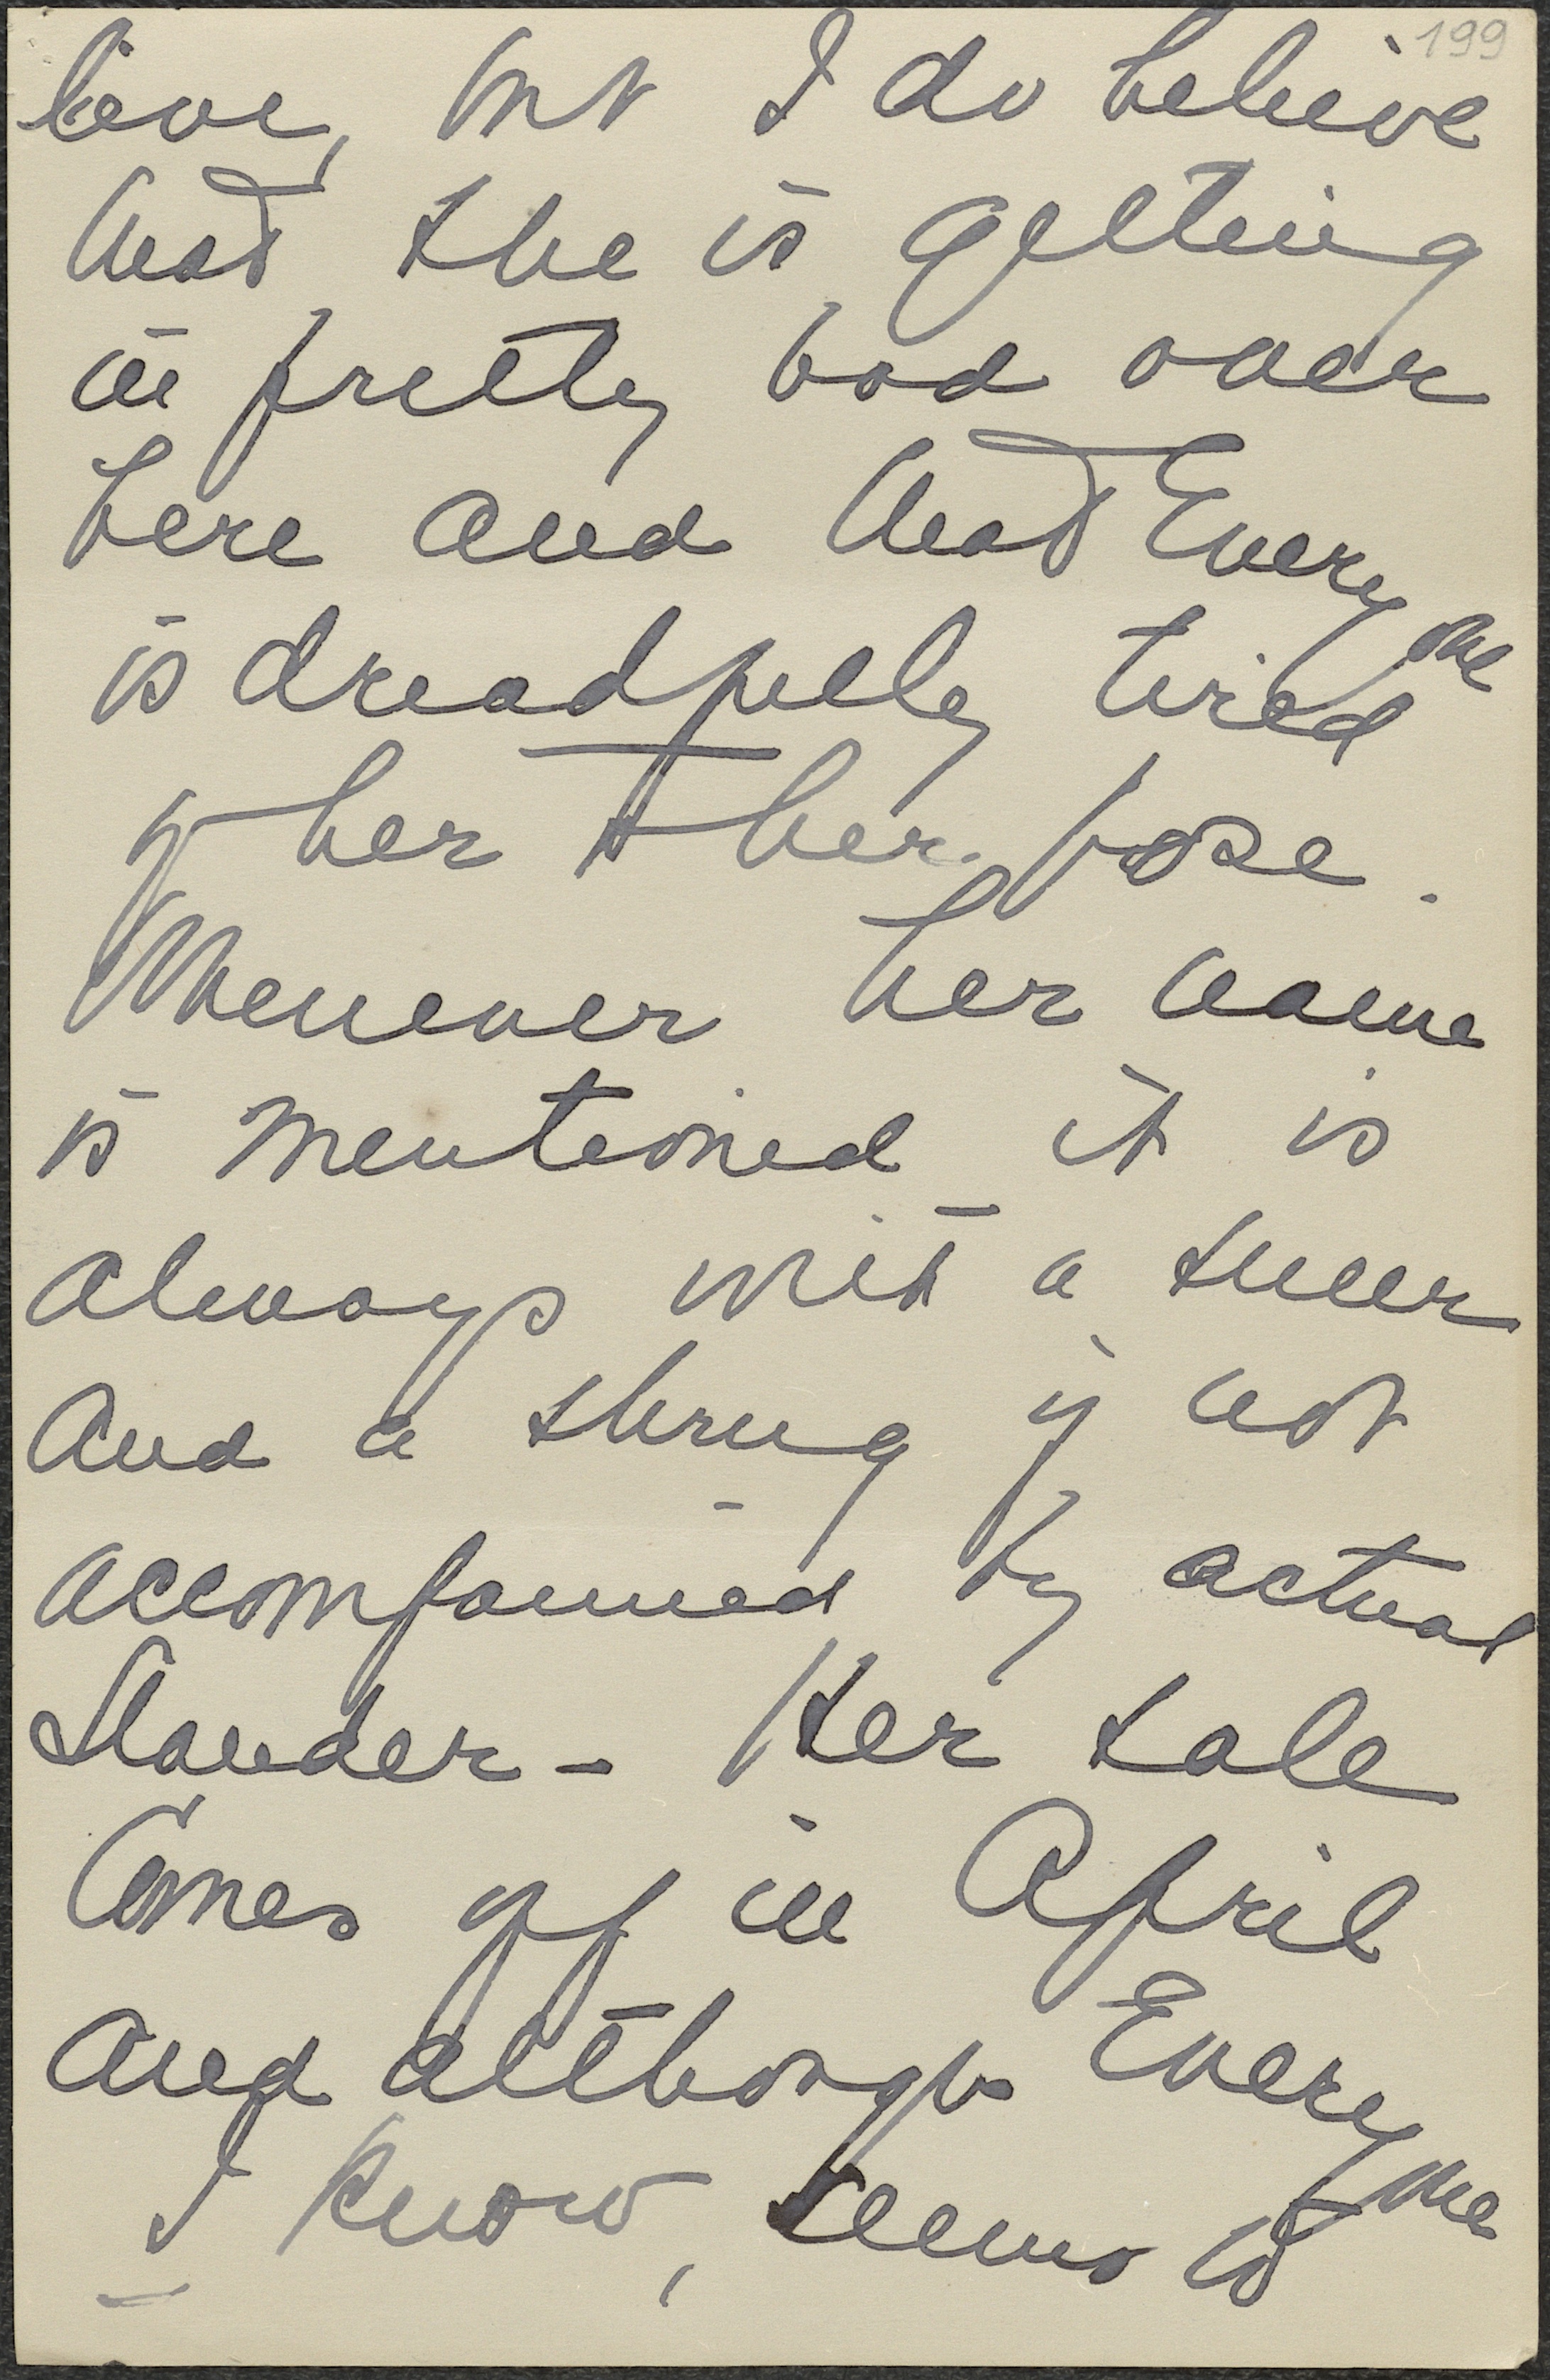but I do believe that she is getting in pretty bad over here and that everyone is dreadfully tired of her & her pose. Whenever her name is mentioned it is always with a sneer and a shrug if not accompanied by actual slander – Her sale comes off in April and although everyone I know, seems to